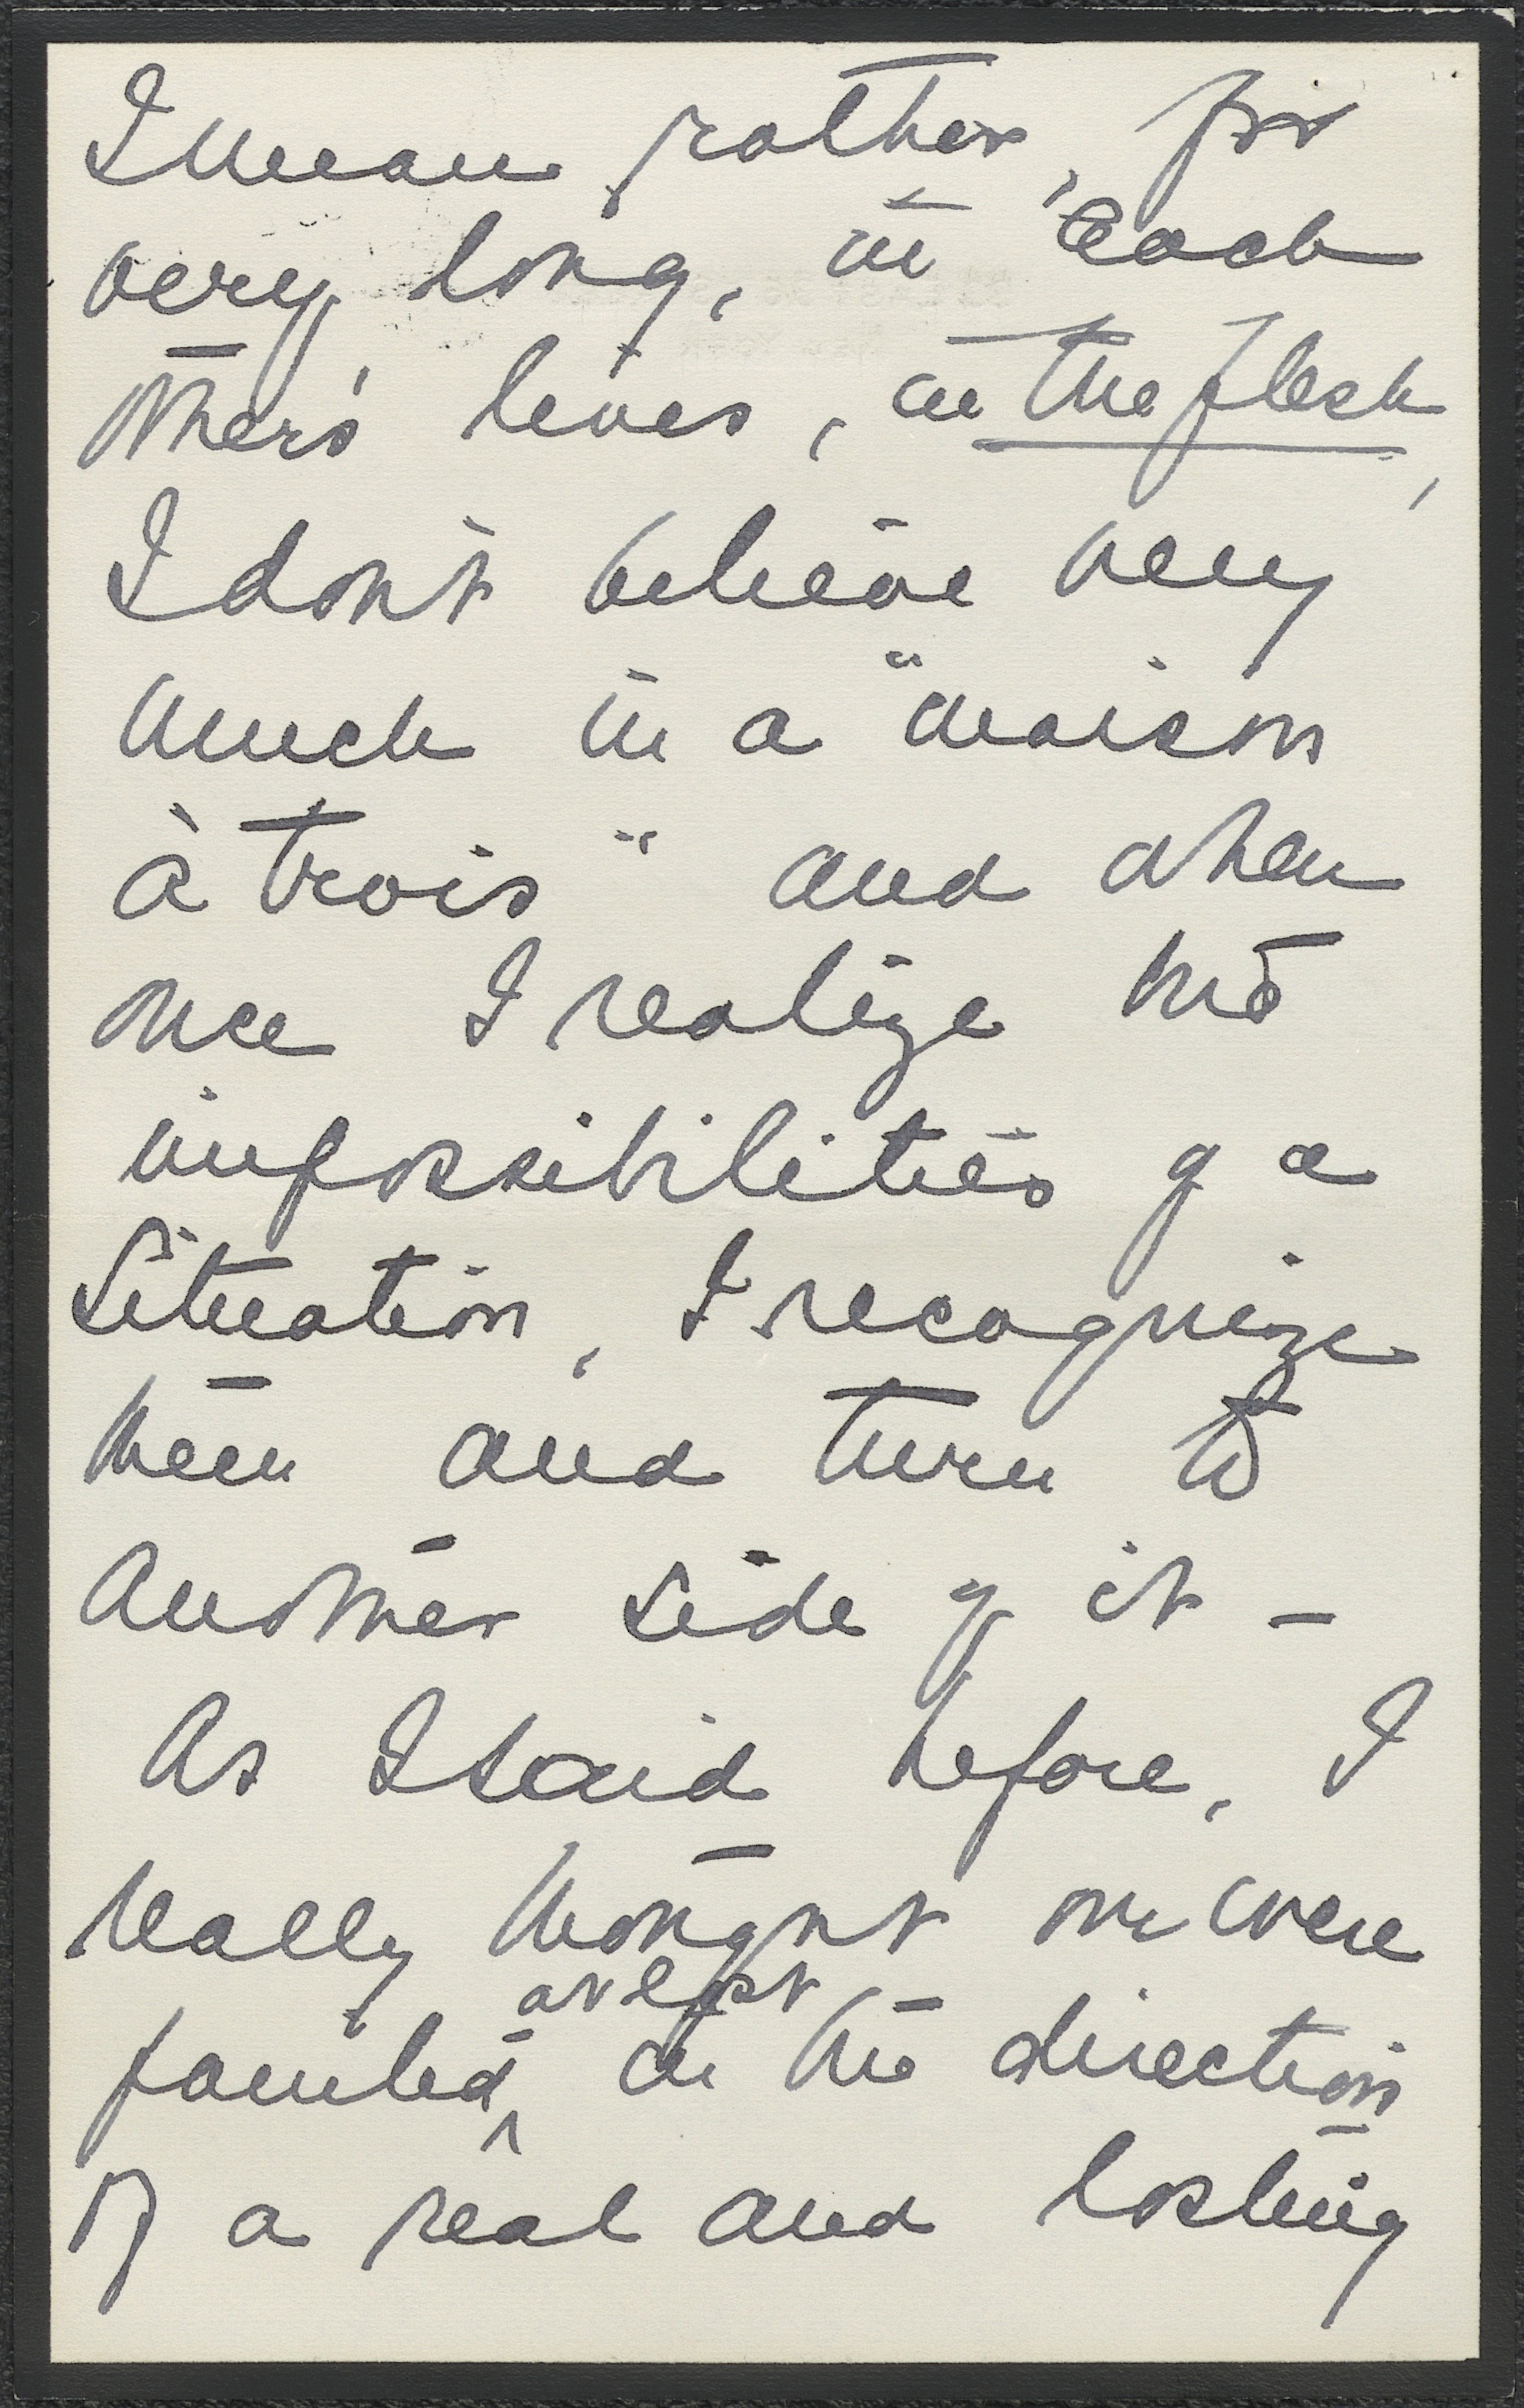I mean rather, for very long, in each others’ lives, in the flesh
I don’t believe very much in a “maison à trois” and when once I realize the impossibilities of a Situation, I recognize them and turn to another side of it –
As I said before, I really thought we were pointed [^at last] in the direction of a real and lasting